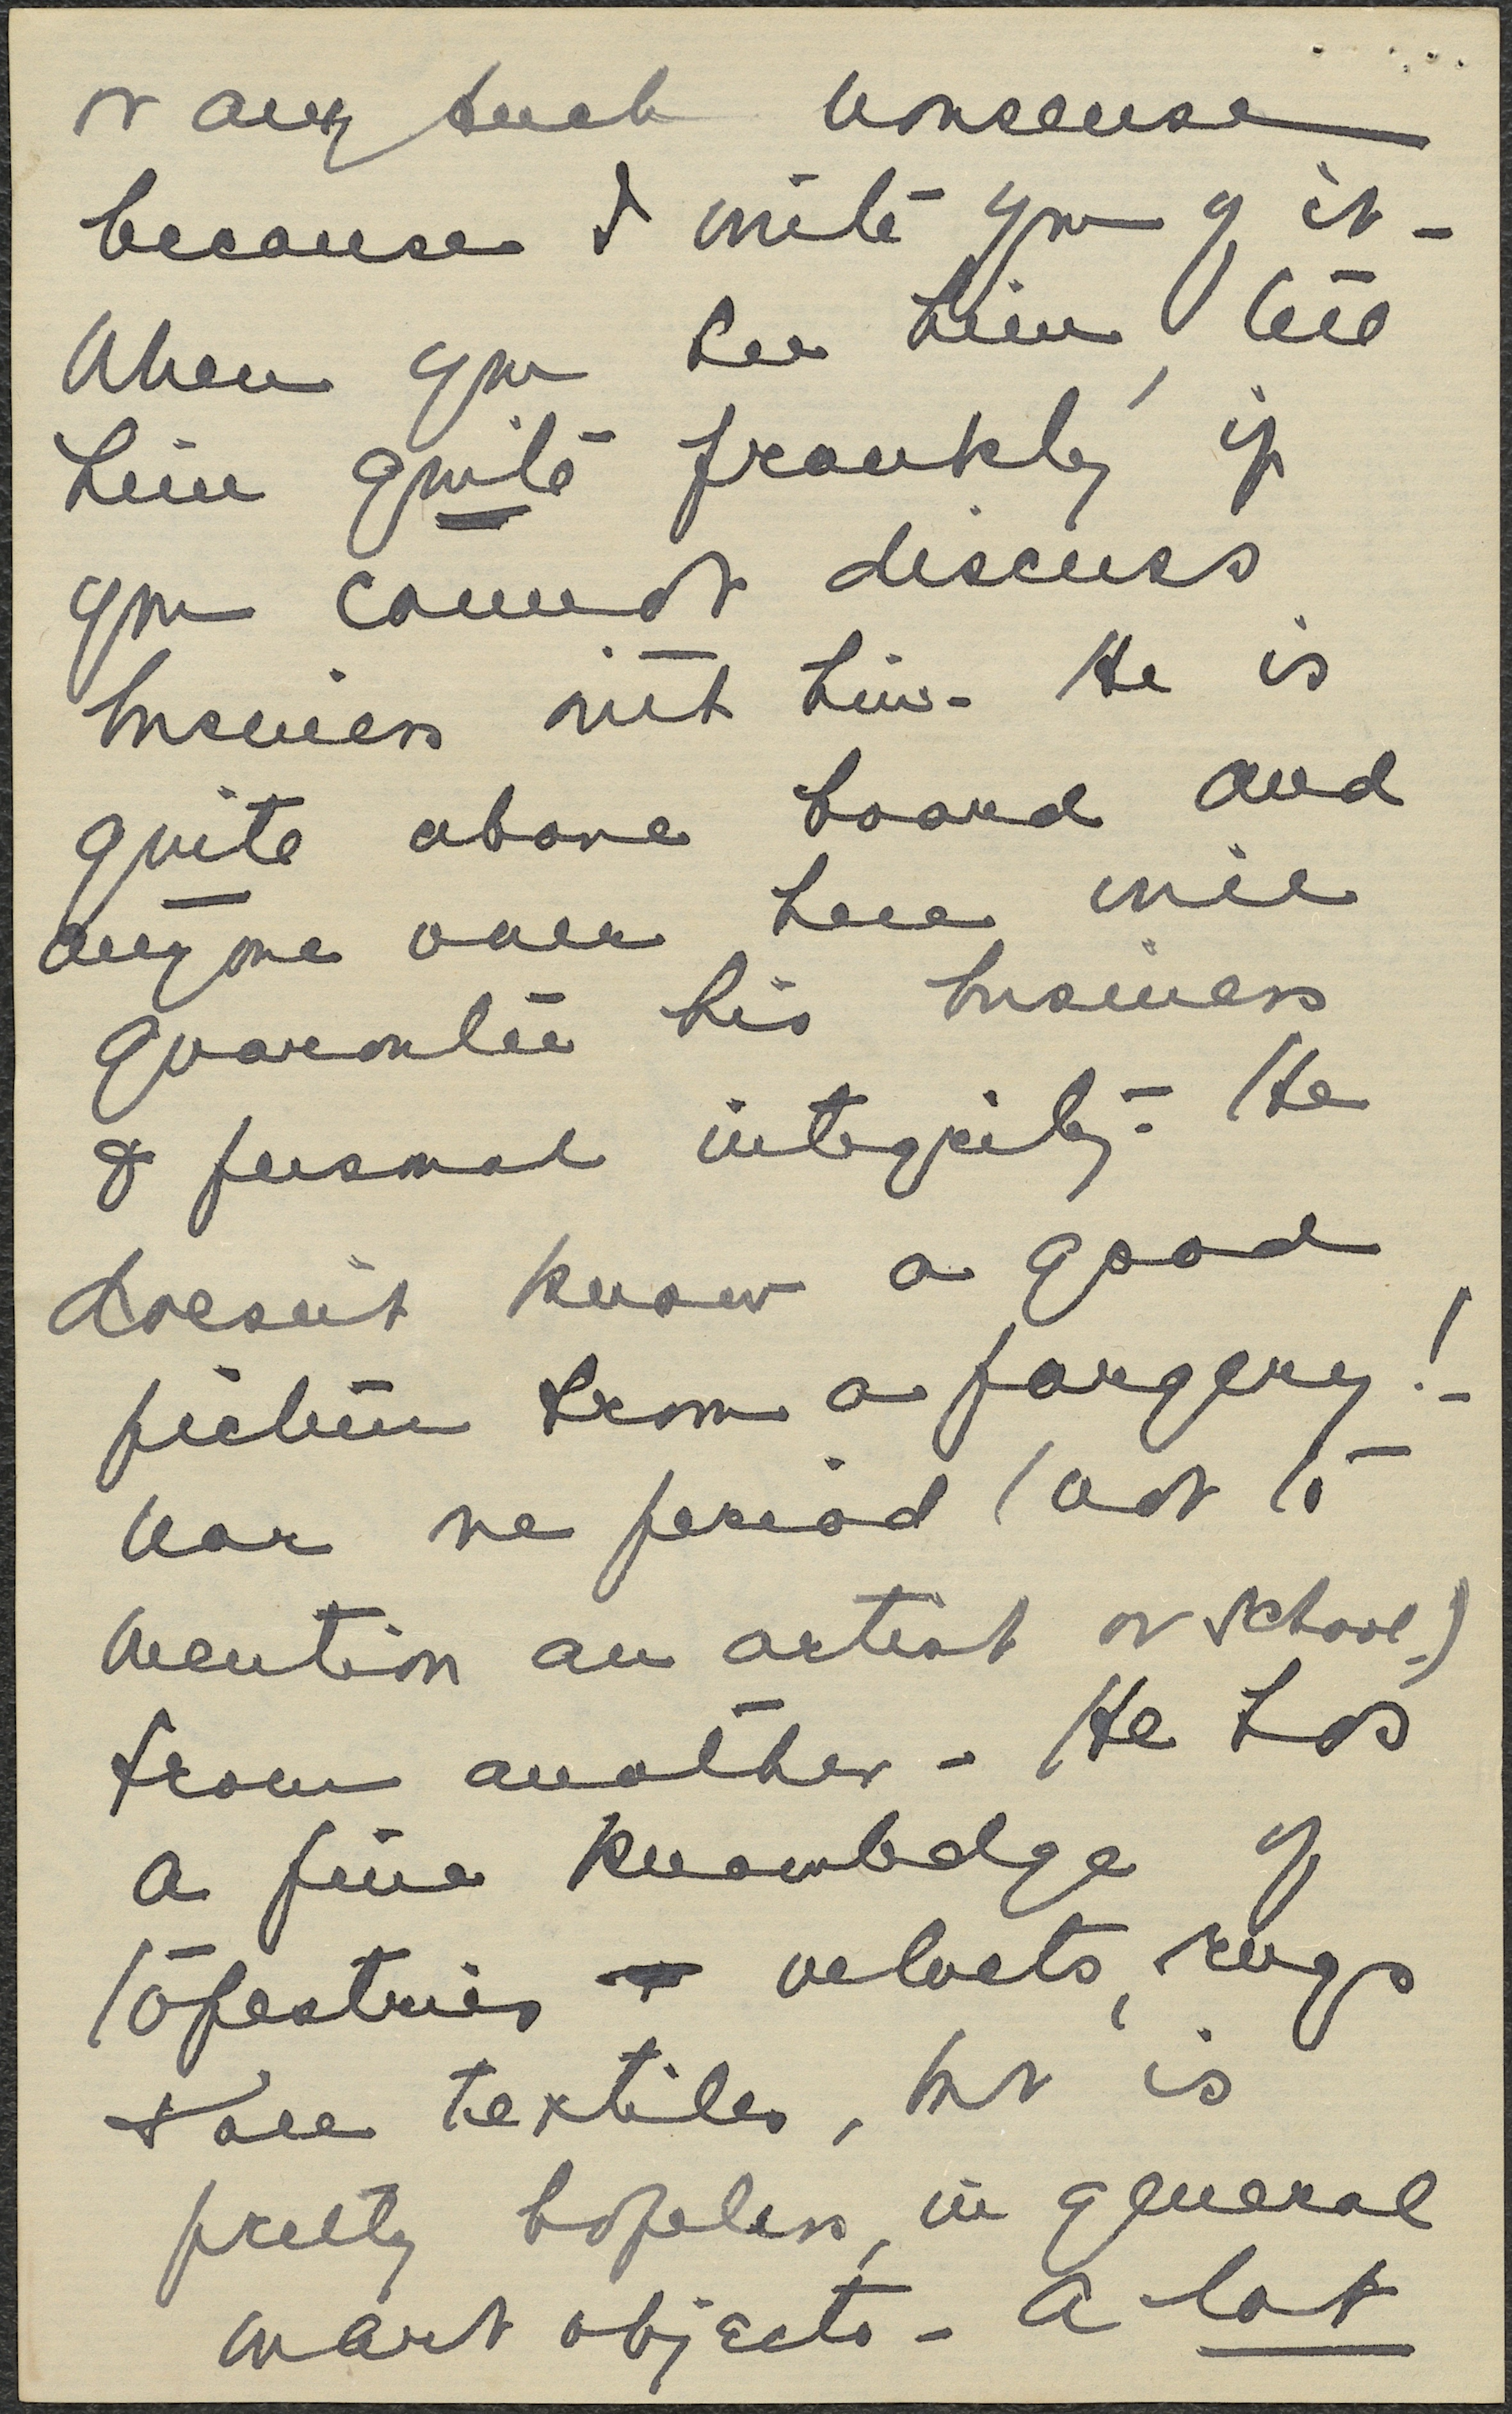or any such nonsense because I write you of it – When you see him, tell him quite frankly if you cannot discuss business with him. He is quite above board and anyone over here will guarantee his business & personal integrity. He doesn't know a good picture from a forgery! – Nor one period (not to mention an artist or school.) from another – He has a fine knowledge of tapestries & velvets, rugs & all textiles, but is pretty hopeless in general on art objects – A lot